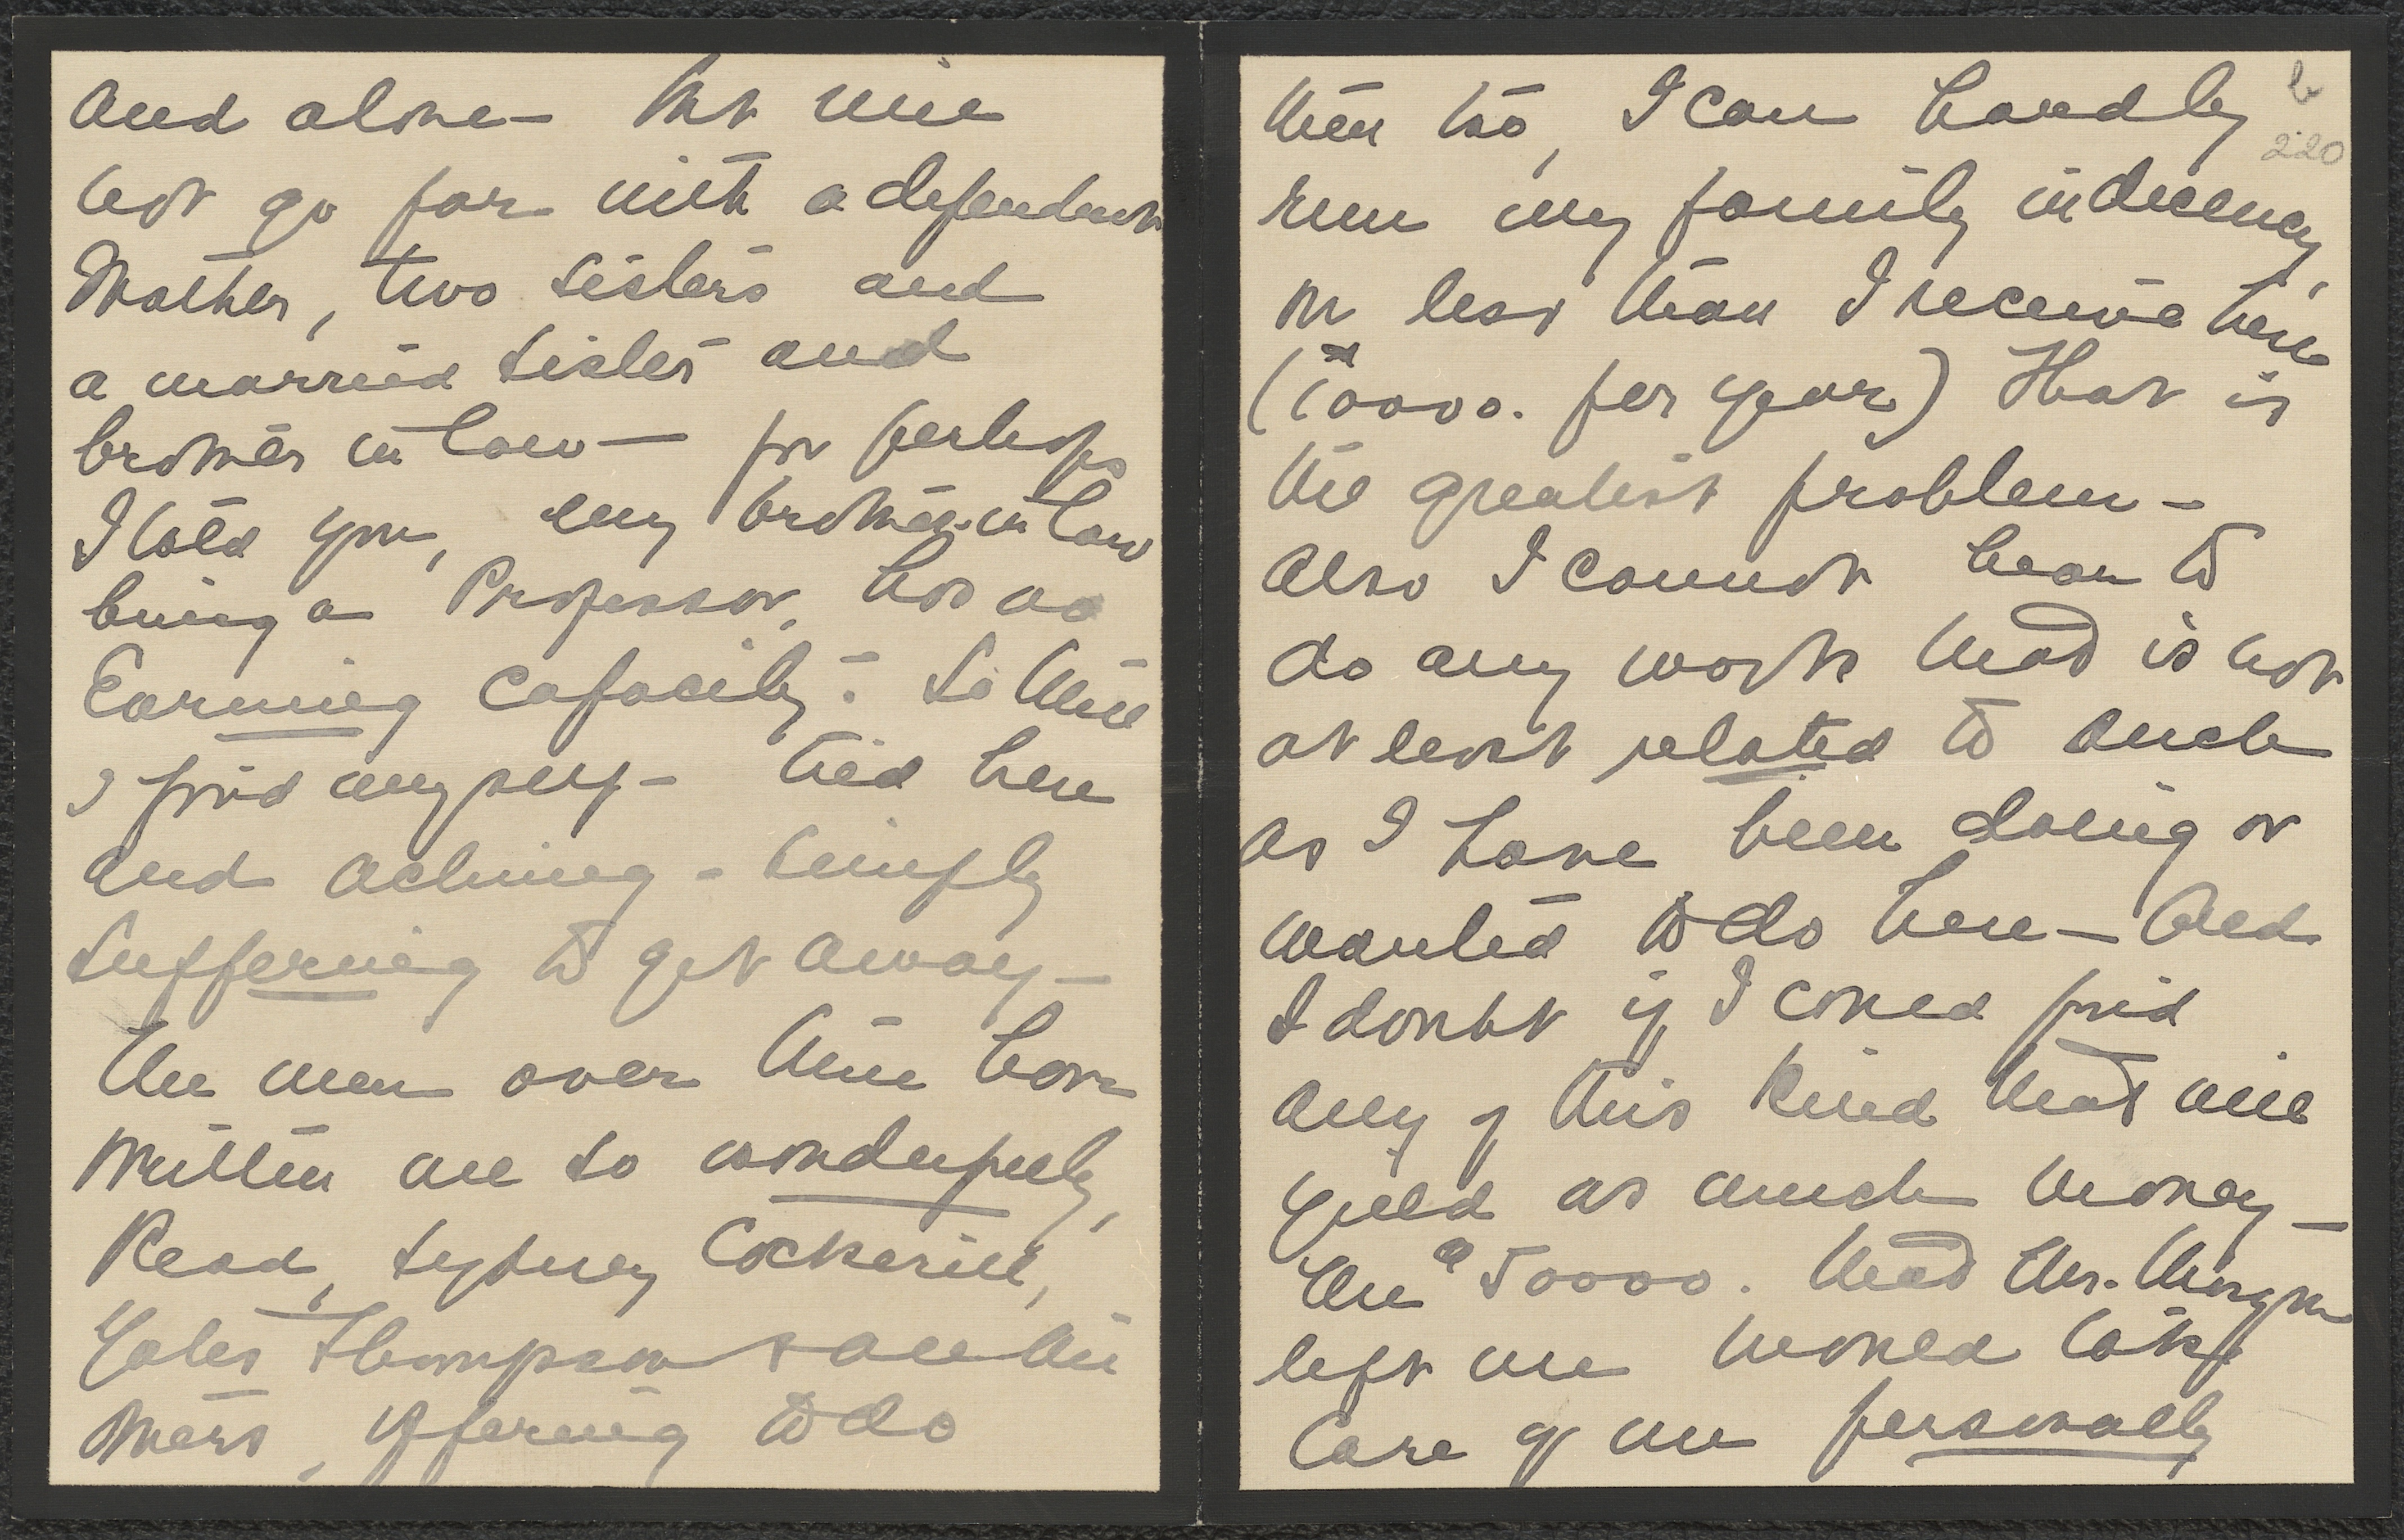then two, I can hardly run my family in decency on less than I receive here ($10000. per year) That is the greatest problem – also I cannot bear to do any work that is not at least related to such as I have been doing or wanted to do here – and I doubt if I could find any of this kind that will yield as much money – the $50000. that Mr. Morgan left me would take care of me personally
and alone – but will not go far with a dependent mother, two sisters and a married sister and brother in law – for perhaps I told you, my brother-in-law being a Professor, has no earning capacity. So there I find myself – tied here and aching – simply suffering to get away – the men over there have written me so wonderfully, Read, Sydney Cockerell, Yates Thompson & all the others, offering to do